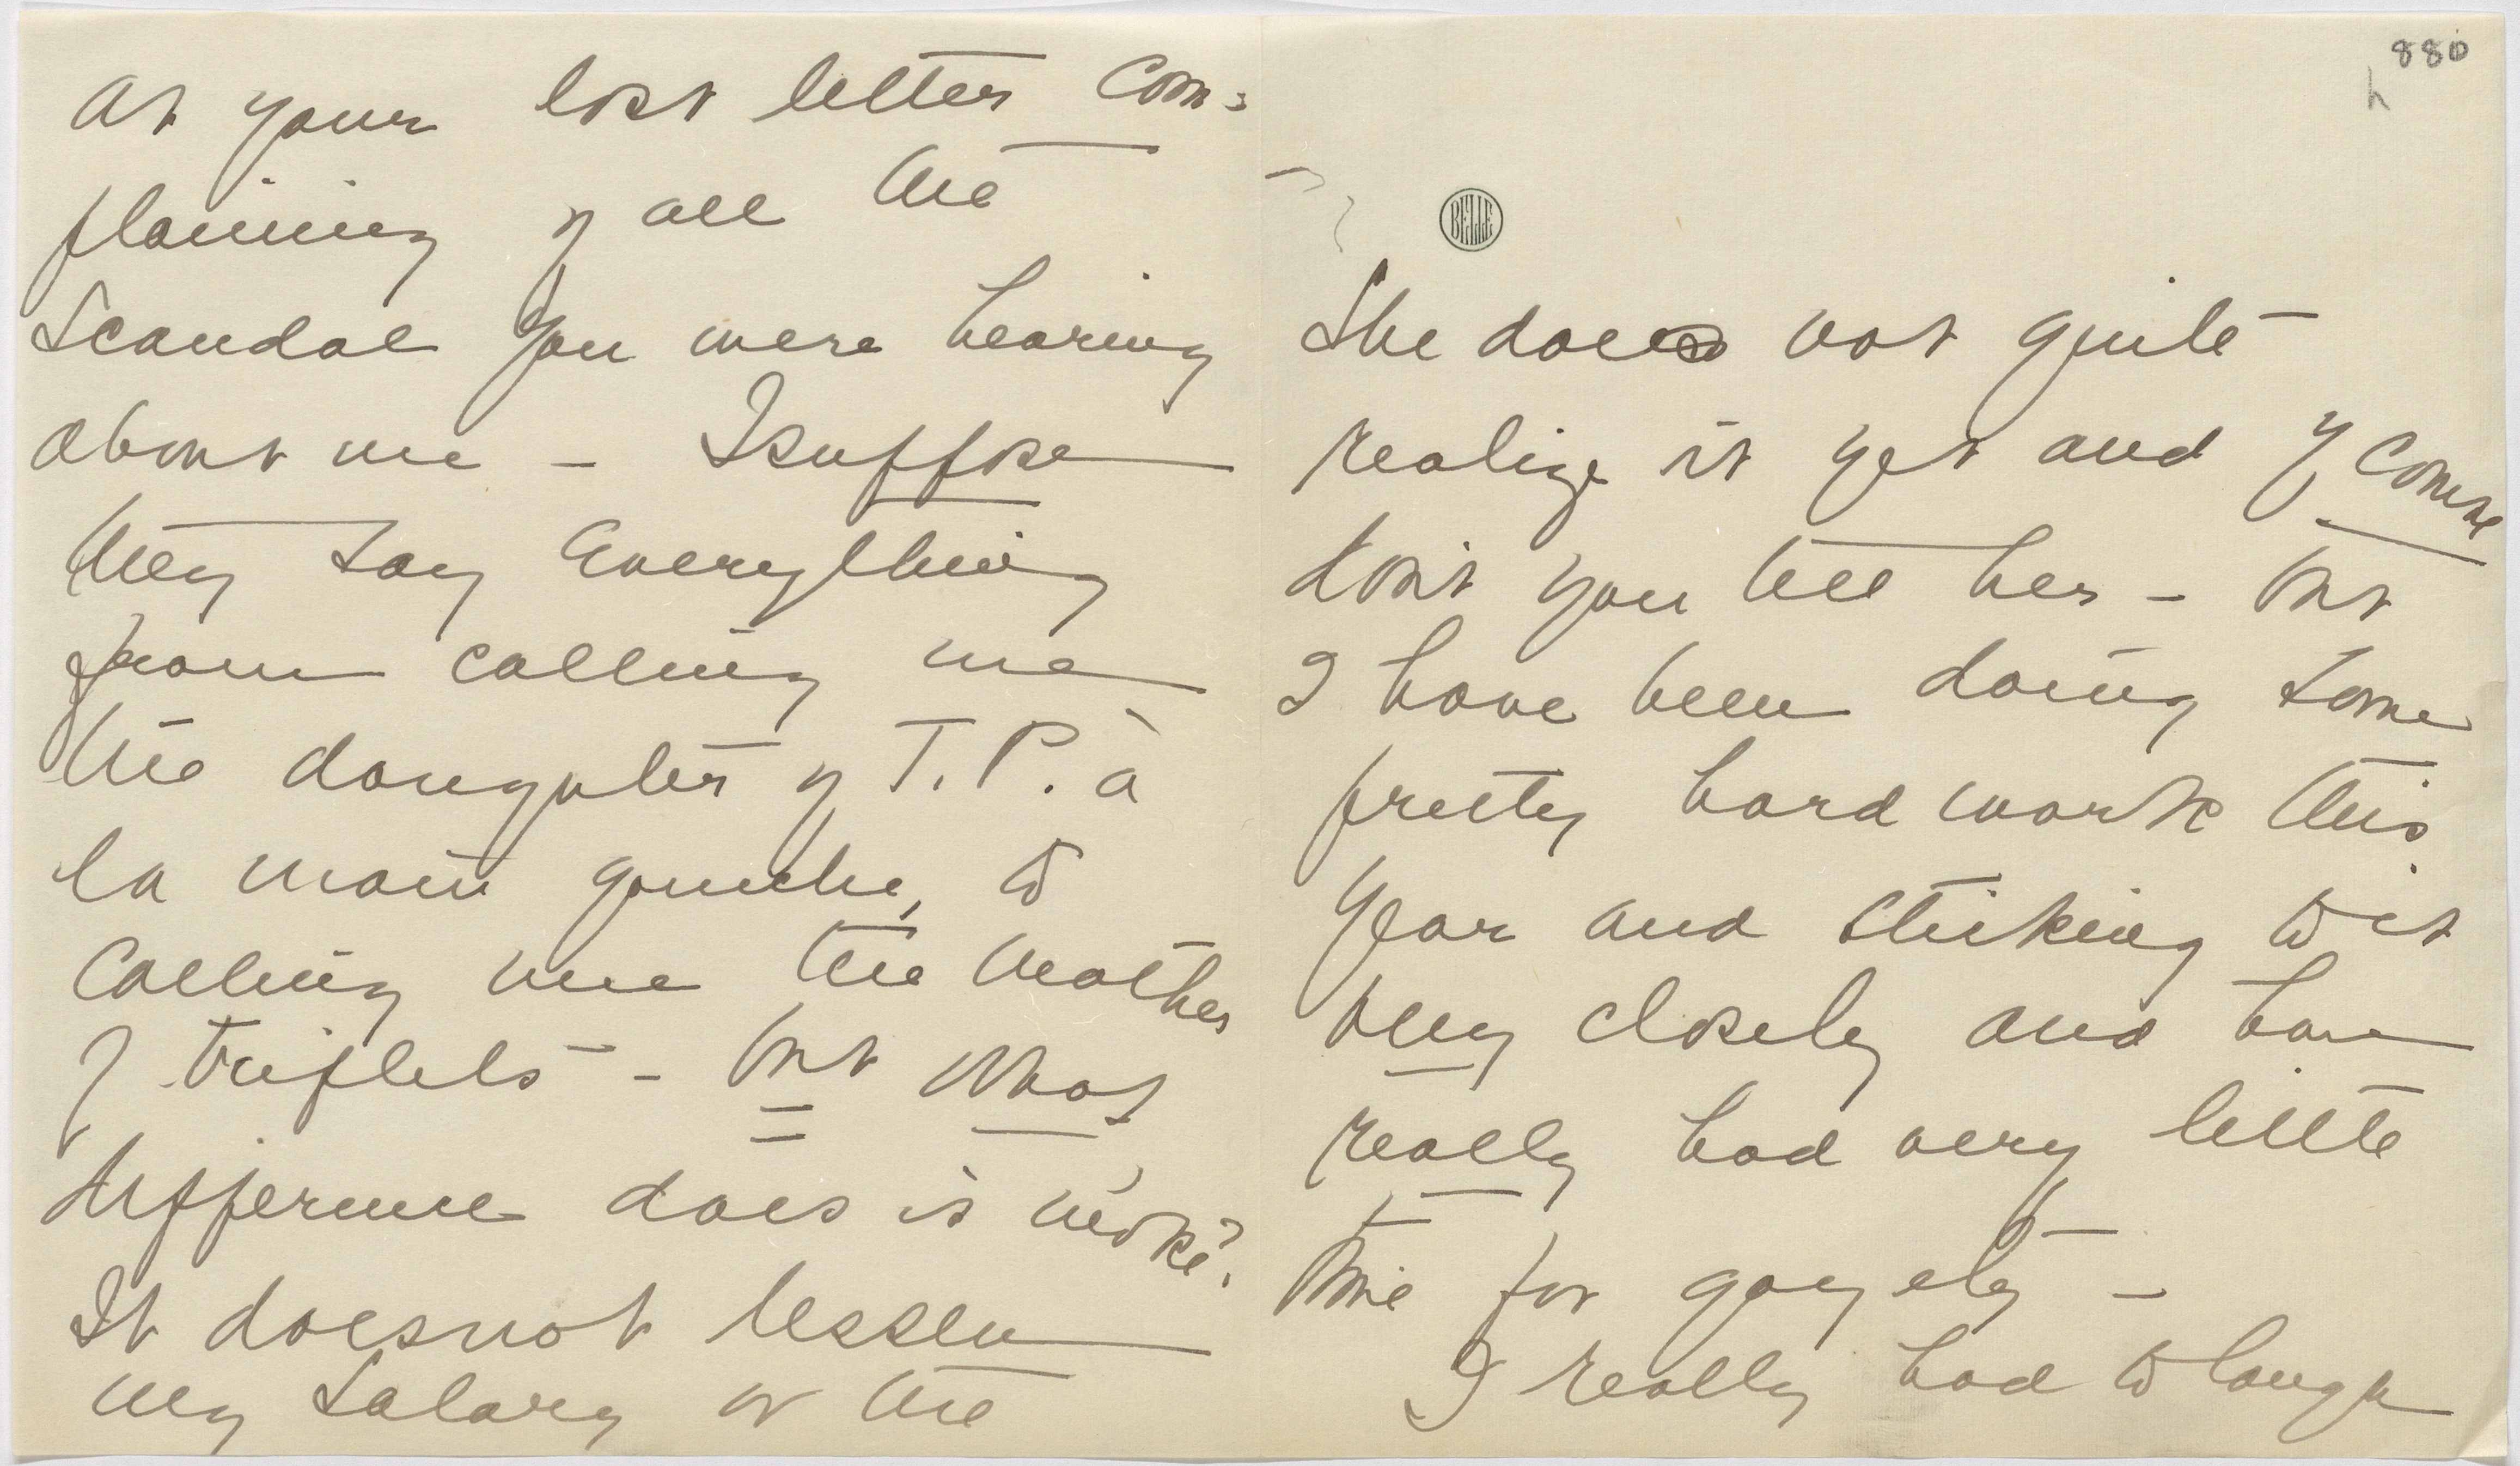She does not quite realize it yet and of course don’t you tell her – but I have been doing some pretty hard work this year and sticking to it very closely and have really had very little time for gayety –
I really had to laugh
at your last letter complaining of all the scandal you were hearing about me – I suppose they say everything from calling me the daughter of J. P. à la main gauche, to calling me the mother of triplets – [double underlined: but] what difference does it make? It doesn’t lessen my salary or the